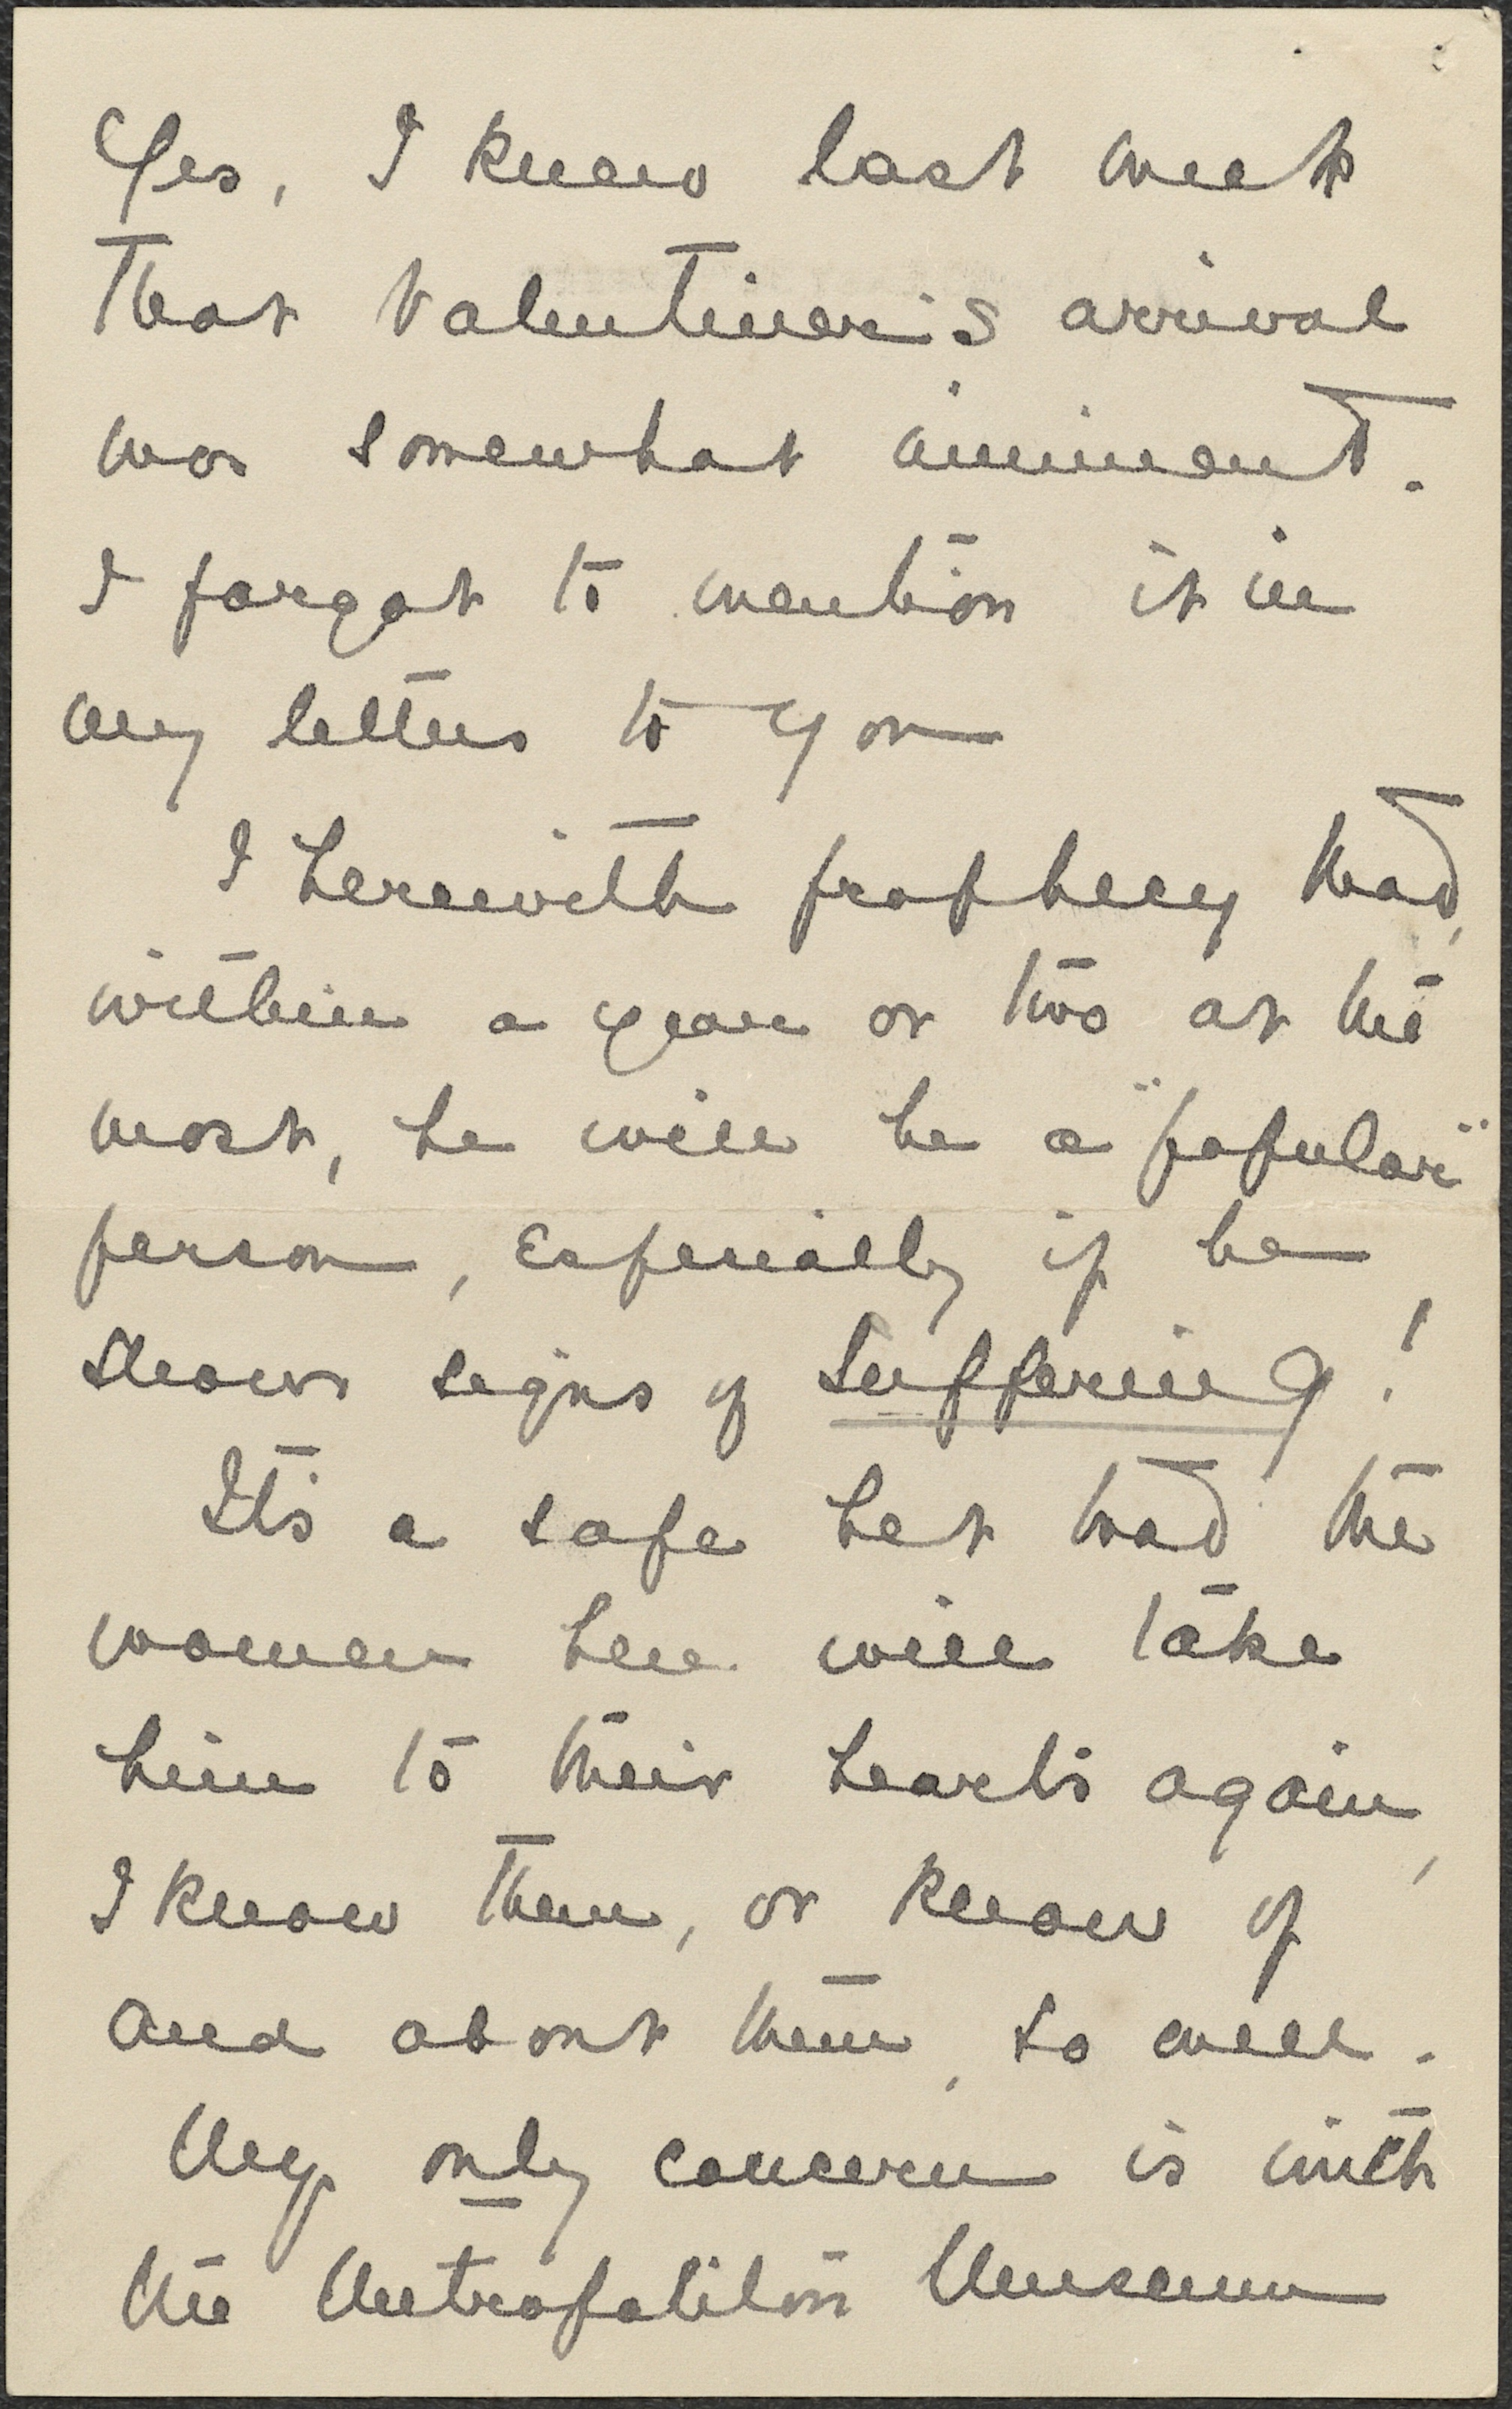Yes, I know last week that Valentiner's arrival was somewhat imminent. I forgot to mention it in my letters to you.
I herewith prophecy that within a year or two at the most, he will be a "popular" person, especially if he shows signs of suffering!
It's a safe bet that the women here will take him to their hearts again, I know them, or know of and about them, so well –
My only concern is with the Metropolitan Museum